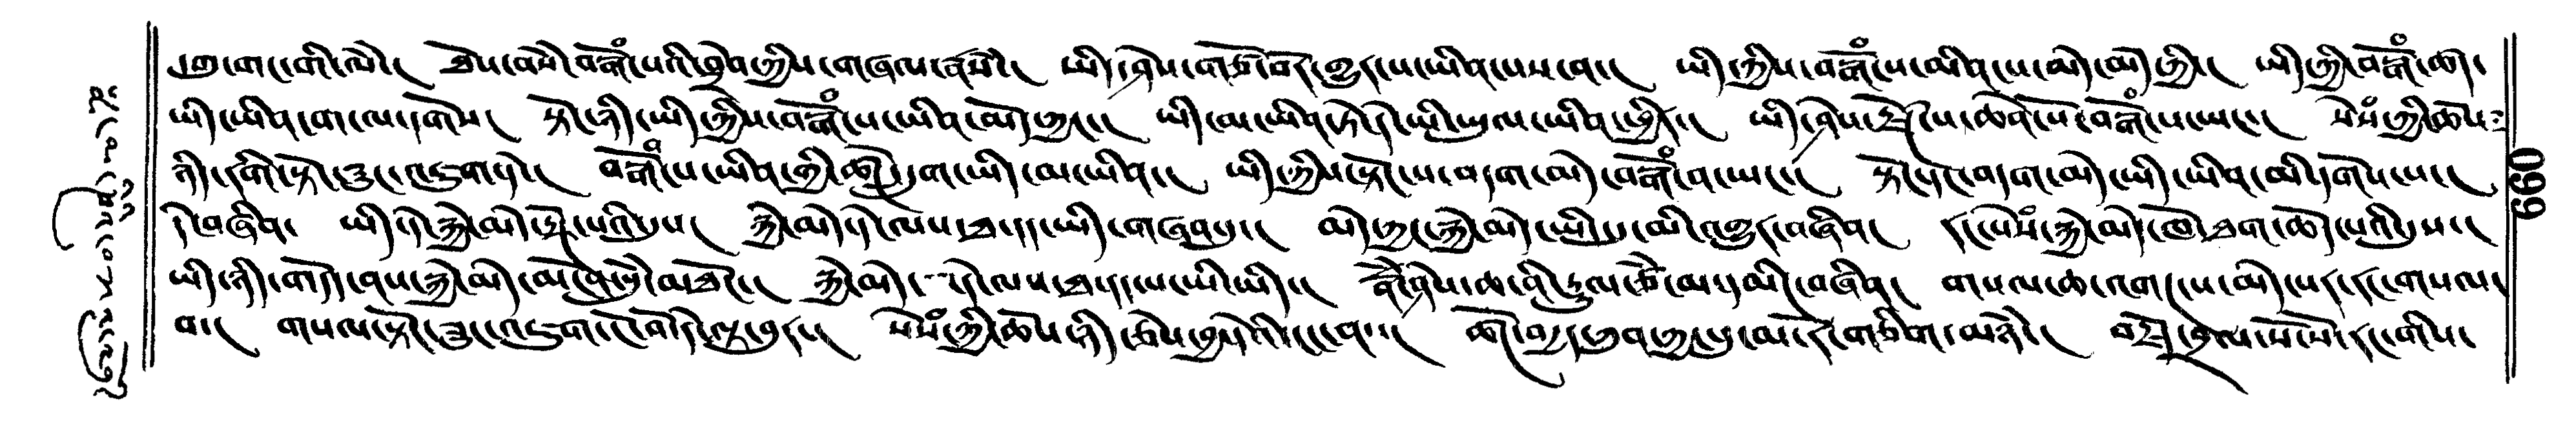དགུ་གང་གི་ལམ། །ཐོས་བསམ་བསྒོམ་པའི་ཤེས་རབ་ཀྱིས་གཞལ་རྣམས། །ཡིད་ཤེས་གཙོ་བོར་གྱུར་པ་ཡིན་པས་ན། །ཡིད་ཀྱིས་བསྒོམ་པ་མིན་པ་མེད་མོད་ཀྱི། །ཡིད་ཀྱིས་བསྒོམ་ཚད་
ཡིད་ཡིན་ག་ལ་དགོས། །སྟོང་ཉིད་ཡིད་ཀྱིས་བསྒོམ་པ་ཡིན་མོད་ཀྱང་། །ཡིད་མ་ཡིན་ཏེ་དེ་ཡི་ཡུལ་ཡིན་ཕྱིར། །ཡིད་ཤེས་རྫོགས་པ་ཆེན་པོ་བསྒོམ་པ་ཡང་། །སེམས་ཀྱི་ཆོས་
ཉིད་རིག་སྟོང་ཟུང་འཇུག་དེ། །བསྒོམ་པ་ཡིན་གྱི་ཚོགས་དྲུག་ཡིད་མ་ཡིན། །ཡིད་ཀྱིས་སྟོང་པ་བདག་མེད་བསྒོམ་ན་ཡང་། །སྟོང་དང་བདག་མེད་ཡིད་ཡིན་མི་དགོས་པ། །
དེ་བཞིན་ཡིད་དེ་སྐྱེ་མེད་རྟོགས་པའི་དུས། །སྐྱེ་མེད་དེ་ལས་ཐ་དད་ཡིད་གཞན་དུ། །མེད་ཀྱང་སྐྱེ་མེད་ཡིད་དུ་མི་འགྱུར་བཞིན། །རང་སེམས་སྐྱེ་མེད་ཁོ་ཐག་ཆོད་པའི་དུས། །
ཡིད་ཉིད་གདོད་ནས་སྐྱེ་མེད་མངོན་སུམ་མཐོང་། །སྐྱེ་མེད་དེ་ལས་ཐ་དད་པ་ཡི་ཡིད། །རྣམ་ཤེས་ཆ་ནི་རྡུལ་ཙམ་མ་དམིགས་བཞིན། །གསལ་ཆ་འགགས་པ་མེད་པར་རང་གསལ་
བ། །གསལ་སྟོང་ཟུང་འཇུག་ངོ་བོ་དེ་ལྟ་བུར། །སེམས་ཀྱི་ཆོས་ཉིད་ཅེས་བྱ་དེའི་ངང་ན། །ཚོགས་བརྒྱད་ཀུན་ཀྱང་དུ་མ་རོ་གཅིག་མཉམ། །བརྗོད་བྲལ་སོ་སོ་རང་གིས་